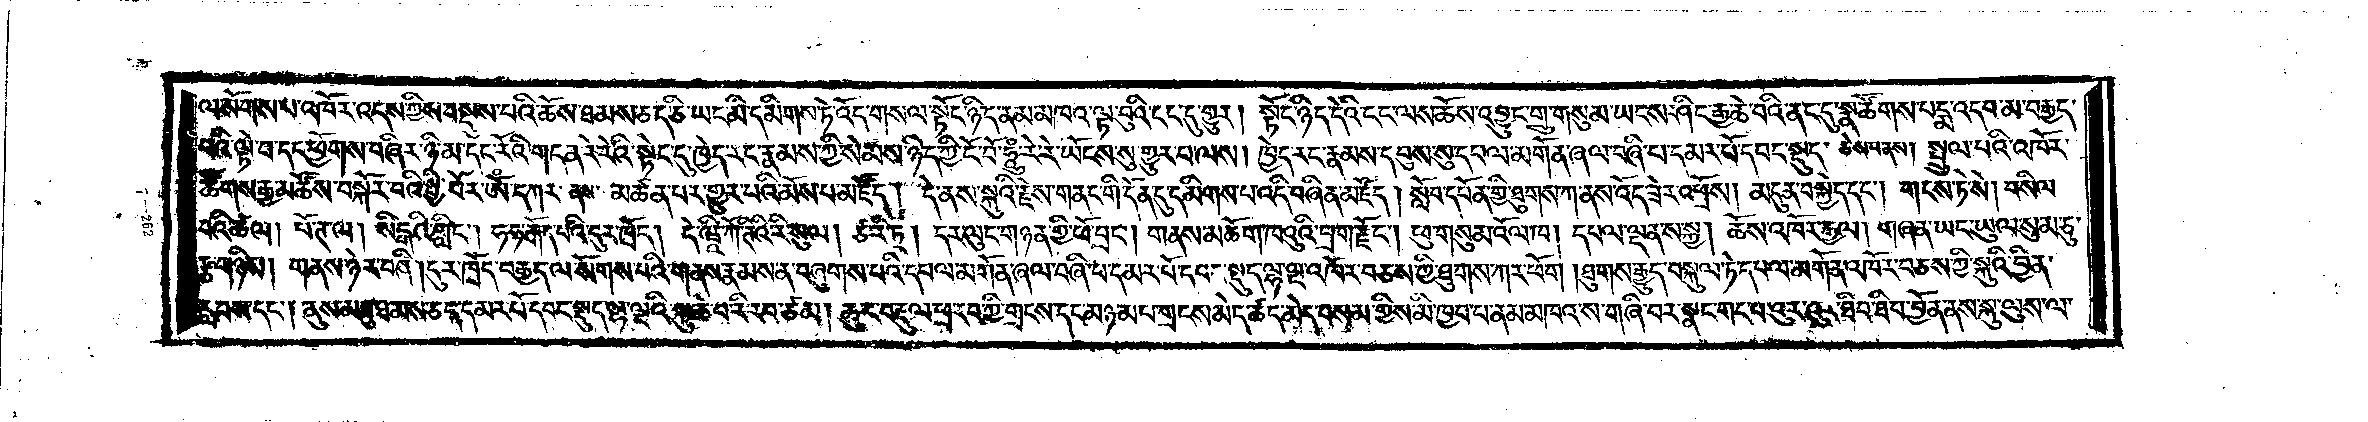ལ་སོགས་པ་འཁོར་འདས་ཀྱིས་བསྡུས་པའི་ཆོས་ཐམས་ཅད་ཅི་ཡང་མི་དམིགས་ཏེ་འོད་གསལ་སྟོང་ཉིད་ནམ་མཁའ་ལྟ་བུའི་ངང་དུ་གྱུར། སྟོང་ཉིད་དེའི་ངང་ལས་ཆོས་འབྱུང་གྲུ་གསུམ་ཡངས་ཤིང་རྒྱ་ཆེ་བའི་ནང་དུ་སྣ་ཚོགས་པདམ་འདབ་མ་བརྒྱད་
པའི་ལྟེ་བ་དང་ཕྱོགས་བཞིར་ཉི་མ་དང་རོའི་གདན་རེ་རེའི་སྟེང་དུ་ཁྱེད་རང་རྣམས་ཀྱི་སེམས་ཉིད་ཀྱི་ངོ་བོ་ཧཱུཾ་རེ་རེ་ཡོངས་སུ་གྱུར་བ་ལས། ཁྱེད་རང་རྣམས་དབུས་སུ་དཔལ་མགོན་ཞལ་བཞི་པ་དམར་པོ་དབང་སྡུད་ཅེས་པ་ནས།  སྤྲུལ་པའི་འཁོར་
ཚོགས་རྒྱ་མཚོས་བསྐོར་བའི་སྤྱི་བོར་ཨོཾ་དཀར་ནས་མཚན་པར་གྱུར་པའི་མོས་པ་མཛོད། དེ་ནས་སྐུའི་རྗེས་གནང་གི་དོན་དུ་དམིགས་པ་འདི་བཞིན་མཛོད། སློབ་དཔོན་གྱི་ཐུགས་ཀ་ནས་འོད་ཟེར་འཕྲོས། མདུན་བསྐྱེད་དང་། གངས་ཏེ་སེ། བསིལ་
བའི་ཚལ། པོ་ཊ་ལ། སིངྒའི་གླིང་། ཧ་ཧ་རྒོད་པའི་དུར་ཁྲོད། དེ་ཝཱི་ཀོ་ཊིའི་རུ་སུལ། ཙ་རི་ཏྲ། དར་ལུང་གཉན་གྱི་ཕོ་བྲང་། གནས་མཆོག་ཁཱུའི་བྲག་རྫོང་། ཕུ་གསུམ་འོལ་ཁ། དཔལ་ལྡན་ས་སྐྱ། ཆོས་འཁོར་རྒྱལ། གཞན་ཡང་ཡུལ་སུམ་ཅུ་
རྩ་གཉིས། གནས་ཉེར་བཞི། དུར་ཁྲོད་བརྒྱད་ལ་སོགས་པའི་གནས་རྣམས་ན་བཞུགས་པའི་དཔལ་མགོན་ཞལ་བཞི་པ་དམར་པོ་དབང་སྡུད་ལྷ་ལྔ་འཁོར་བཅས་ཀྱི་ཐུགས་ཀར་ཕོག །ཐུགས་རྒྱུད་བསྐུལ་ཏེ་དཔལ་མགོན་འཁོར་བཅས་ཀྱི་སྐུའི་བྱིན་
རླབས་དང་། ནུས་མཐུ་ཐམས་ཅད་དམར་པོ་དབང་སྡུད་ལྷ་ལྔའི་སྐུ་ཆེ་བ་རི་རབ་ཙམ། ཆུང་བ་རྡུལ་ཕྲ་རབ་ཀྱི་གྲངས་དང་མཉམ་པ་གྲངས་མེད་ཚད་མེད་བསམ་གྱིས་མི་ཁྱབ་པ་ནམ་མཁའ་ས་གཞི་བར་སྣང་གང་བ་འུར་འུར་ཐིབ་ཐིབ་བྱོན་ནས་སྐུ་ལུས་ལ་